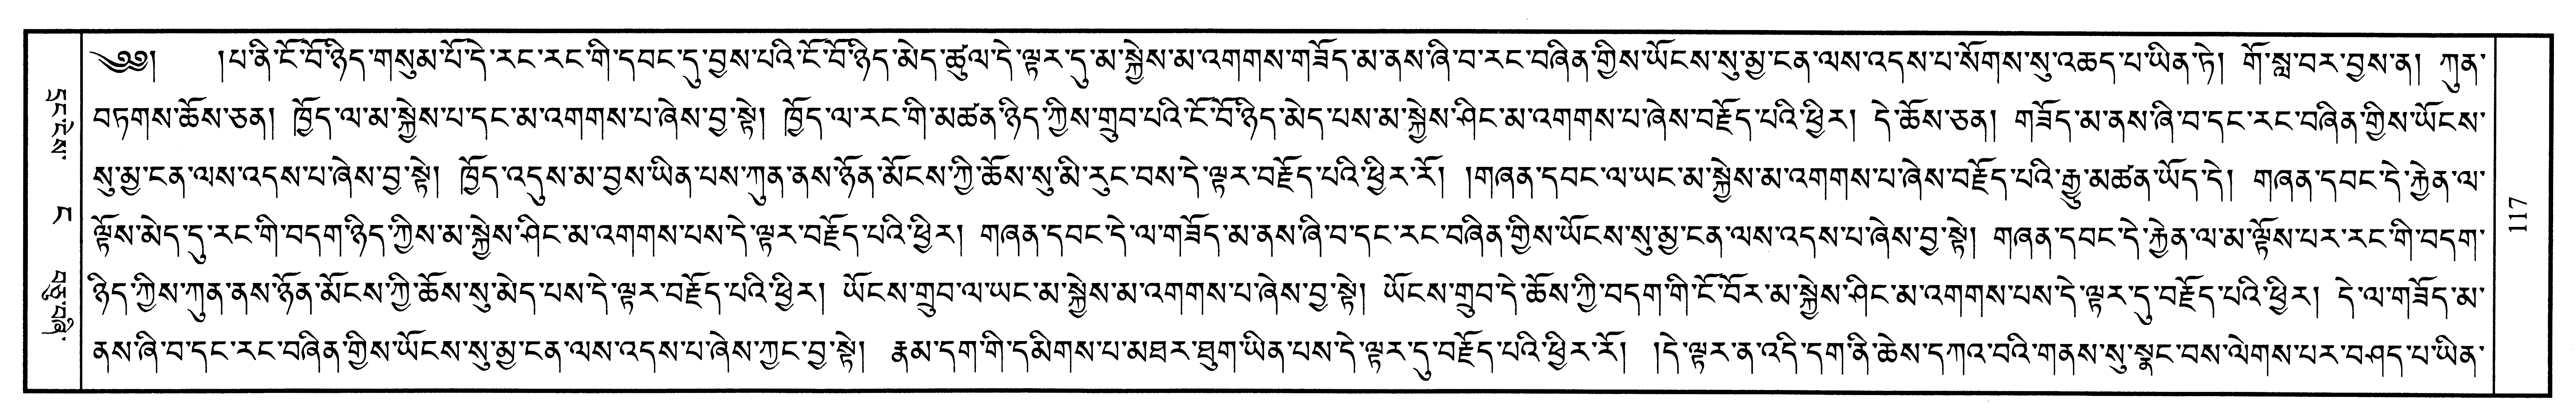༄༅། །པ་ནི་ངོ་བོ་ཉིད་གསུམ་པོ་དེ་རང་རང་གི་དབང་དུ་བྱས་པའི་ངོ་བོ་ཉིད་མེད་ཚུལ་དེ་ལྟར་དུ་མ་སྐྱེས་མ་འགགས་གཟོད་མ་ནས་ཞི་བ་རང་བཞིན་གྱིས་ཡོངས་སུ་མྱ་ངན་ལས་འདས་པ་སོགས་སུ་འཆད་པ་ཡིན་ཏེ། གོ་སླ་བར་བྱས་ན། ཀུན་
བཏགས་ཆོས་ཅན། ཁྱོད་ལ་མ་སྐྱེས་པ་དང་མ་འགགས་པ་ཞེས་བྱ་སྟེ། ཁྱོད་ལ་རང་གི་མཚན་ཉིད་ཀྱིས་གྲུབ་པའི་ངོ་བོ་ཉིད་མེད་པས་མ་སྐྱེས་ཤིང་མ་འགགས་པ་ཞེས་བརྗོད་པའི་ཕྱིར། དེ་ཆོས་ཅན། གཟོད་མ་ནས་ཞི་བ་དང་རང་བཞིན་གྱིས་ཡོངས་
སུ་མྱ་ངན་ལས་འདས་པ་ཞེས་བྱ་སྟེ། ཁྱོད་འདུས་མ་བྱས་ཡིན་པས་ཀུན་ནས་ཉོན་མོངས་ཀྱི་ཆོས་སུ་མི་རུང་བས་དེ་ལྟར་བརྗོད་པའི་ཕྱིར་རོ། །གཞན་དབང་ལ་ཡང་མ་སྐྱེས་མ་འགགས་པ་ཞེས་བརྗོད་པའི་རྒྱུ་མཚན་ཡོད་དེ། གཞན་དབང་དེ་རྐྱེན་ལ་
ལྟོས་མེད་དུ་རང་གི་བདག་ཉིད་ཀྱིས་མ་སྐྱེས་ཤིང་མ་འགགས་པས་དེ་ལྟར་བརྗོད་པའི་ཕྱིར། གཞན་དབང་དེ་ལ་གཟོད་མ་ནས་ཞི་བ་དང་རང་བཞིན་གྱིས་ཡོངས་སུ་མྱ་ངན་ལས་འདས་པ་ཞེས་བྱ་སྟེ། གཞན་དབང་དེ་རྐྱེན་ལ་མ་ལྟོས་པར་རང་གི་བདག་
ཉིད་ཀྱིས་ཀུན་ནས་ཉོན་མོངས་ཀྱི་ཆོས་སུ་མེད་པས་དེ་ལྟར་བརྗོད་པའི་ཕྱིར། ཡོངས་གྲུབ་ལ་ཡང་མ་སྐྱེས་མ་འགགས་པ་ཞེས་བྱ་སྟེ། ཡོངས་གྲུབ་དེ་ཆོས་ཀྱི་བདག་གི་ངོ་བོར་མ་སྐྱེས་ཤིང་མ་འགགས་པས་དེ་ལྟར་དུ་བརྗོད་པའི་ཕྱིར། དེ་ལ་གཟོད་མ་
ནས་ཞི་བ་དང་རང་བཞིན་གྱིས་ཡོངས་སུ་མྱ་ངན་ལས་འདས་པ་ཞེས་ཀྱང་བྱ་སྟེ། རྣམ་དག་གི་དམིགས་པ་མཐར་ཐུག་ཡིན་པས་དེ་ལྟར་དུ་བརྗོད་པའི་ཕྱིར་རོ། །དེ་ལྟར་ན་འདི་དག་ནི་ཆེས་དཀའ་བའི་གནས་སུ་སྣང་བས་ལེགས་པར་བཤད་པ་ཡིན་